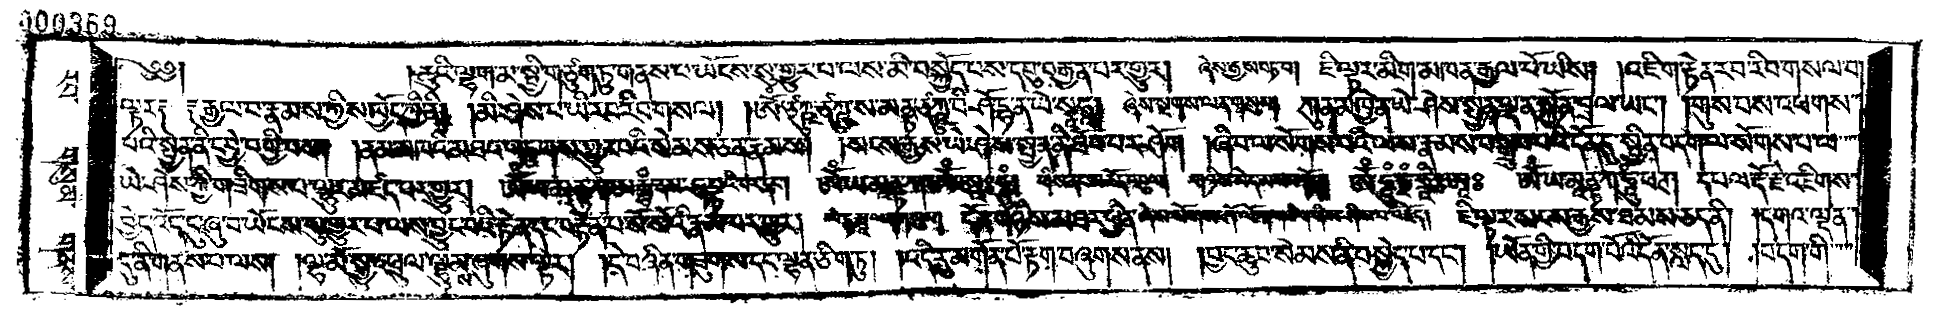༄༅། །ཆུའི་ལྷག་མ་སྤྱི་གཙུག་ཏུ་གནས་པ་ཡོངས་སུ་གྱུར་པ་ལས་མི་བསྐྱོད་པས་དབུ་བརྒྱན་པར་གྱུར། ཞེས་རྒྱས་བཏབ།  ཇི་ལྟར་མིག་མཁན་རྒྱལ་པོ་ཡིས། །འཇིག་རྟེན་རབ་རིབ་གསལ་བ་
ལྟར༑ ༑རྒྱལ་བ་རྣམས་ཀྱིས་ཁྱོད་ཀྱི་ནི། །མི་ཤེས་པ་ཡི་རབ་རིབ་གསལ། །ཨོཾ་ཙཀྵུ་ཙཀྵུ་ས་མནྟ་ཙཀྵུ་བི་ཤོ་དྷ་ན་ཡེ་སྭཱ་ཧཱ། ཞེས་སྔགས་ལན་གསུམ།  ཀུན་མཁྱེན་ཡེ་ཤེས་སྤྱན་ལྡན་སྐྱོན་བྲལ་ཡང་། །གུས་པས་འཕགས་
པའི་སྤྱན་ནི་དབྱེ་བགྱི་བས། །ནམ་མཁའི་མཐའ་གཏུགས་གྱུར་པའི་སེམས་ཅན་རྣམས། །སངས་རྒྱས་ཡེ་ཤེས་སྤྱན་ནི་ཐོབ་པར་ཤོག །ཞི་བ་ལ་སོགས་པའི་ལས་རྣམས་བསྒྲུབ་པའི་དོན་དུ་སྦྱིན་བདག་ལ་སོགས་པ་ལ་
ཡེ་ཤེས་ཀྱི་གཟིགས་པ་ལྷུར་མཛད་པར་གྱུར། ཨོཾ་ཡ་མཱནྟ་ཀ་ཨརྒྷཾ་ནས་ཤཔྟའི་བར་དང་།  ཨོཾ་ཡ་མཱནྟ་ཀ་ཨོཾ་ཨཱཿ ཧཱུཾ། གིས་ནང་མཆོད་འབུལ། གཉིས་མེད་མས་བསྟོད།  ཨོཾ་ཧཱུཾ་ཏྲཾ་ཧྲཱིཿ ཨཱཿ ཨོཾ་ཡ་མཱནྟ་ཀ་ཧཱུཾ་ཕཊ། དཔལ་རྡོ་རྗེ་འཇིགས་
བྱེད་འོད་དུ་ཞུ་བ་ཡོངས་སུ་གྱུར་པ་ལས་བྱུང་བའི་རྟེན་དང་བརྟེན་པ་སོ་སོའི་རྣམ་པར་གྱུར། ཡེ་དྷརྨཱ་ལན་གསུམ།  དོན་གཉིས་མཐར་ཕྱིན་ཞེས་སོགས་ཤོ་ལོ་ཀ་གཅིག་གིས་ཤིས་པ་བརྗོད།  ཇི་ལྟར་སངས་རྒྱས་ཐམས་ཅད་ནི། །དགའ་ལྡན་
དུ་ནི་གནས་པ་ལས། །ལྷ་མོ་སྒྱུ་འཕྲུལ་ལྷུམས་ཞུགས་ལྟར། །དེ་བཞིན་གཟུགས་དང་ལྷན་ཅིག་ཏུ། །འདི་རུ་མགོན་པོ་རྟག་བཞུགས་ནས། །བྱང་ཆུབ་སེམས་ནི་བསྐྱེད་པ་དང་། །ཡོན་གྱི་བདག་པོའི་དོན་སླད་དུ། །བདག་གི་